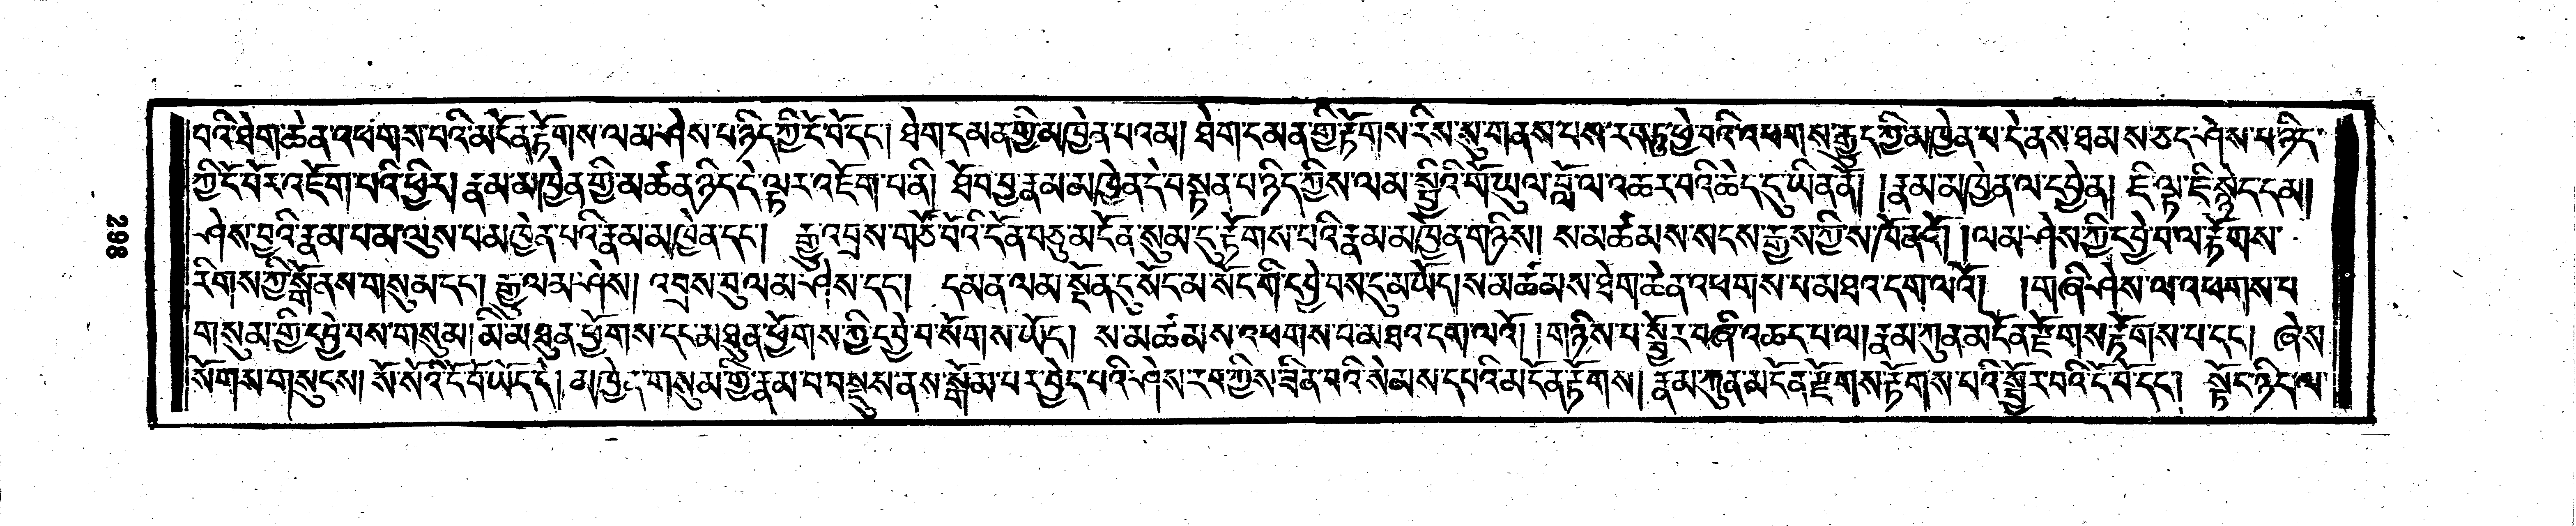པའི་ཐེག་ཆེན་འཕགས་པའི་མངོན་རྟོགས་ལམ་ཤེས་པ་ཉིད་ཀྱི་ངོ་བོ་དང་། ཐེག་དམན་གྱི་མཁྱེན་པའམ། ཐེག་དམན་གྱི་རྟོགས་རིས་སུ་གནས་པས་རབ་ཏུ་ཕྱེ་བའི་འཕགས་རྒྱུད་ཀྱི་མཁྱེན་པ་དེ་ནས་ཐམས་ཅད་ཤེས་པ་ཉིད་
ཀྱི་ངོ་བོར་འཇོག་པའི་ཕྱིར། རྣམ་མཁྱེན་གྱི་མཚན་ཉིད་དེ་ལྟར་འཇོག་པ་ནི། ཐོབ་བྱ་རྣམ་མཁྱེན་དེ་བསྟན་པ་ཉིད་ཀྱིས་ལམ་སྤྱིའི་གོ་ཡུལ་བློ་ལ་འཆར་བའི་ཆེད་དུ་ཡིན་ནོ། །རྣམ་མཁྱེན་ལ་དབྱེ་ན། ཇི་ལྟ་ཇི་སྙེད་དམ།
ཤེས་བྱའི་རྣམ་པ་མ་ལུས་པ་མཁྱེན་པའི་རྣམ་མཁྱེན་དང་། རྒྱུ་འབྲས་གཙོ་བོའི་དོན་བཅུ་མངོན་སུམ་དུ་རྟོགས་པའི་རྣམ་མཁྱེན་གཉིས། ས་མཚམས་སངས་རྒྱས་ཀྱི་ས་ཁོ་ནའོ། །ལམ་ཤེས་ཀྱི་དབྱེ་བ་ལ་རྟོགས་
རིགས་ཀྱི་སྒོ་ནས་གསུམ་དང་། རྒྱུ་ལམ་ཤེས། འབྲས་བུ་ལམ་ཤེས་དང་། དམན་ལམ་སྔོན་དུ་སོང་མ་སོང་གི་དབྱེ་བས་དུ་མ་ཡོད། ས་མཚམས་ཐེག་ཆེན་འཕགས་པ་མཐའ་དག་ལའོ། །གཞི་ཤེས་ལ་འཕགས་པ་
གསུམ་གྱི་དབྱེ་བས་གསུམ། མི་མཐུན་ཕྱོགས་དང་མཐུན་ཕྱོགས་ཀྱི་དབྱེ་བ་སོགས་ཡོད། ས་མཚམས་འཕགས་པ་མཐའ་དག་ལའོ། །གཉིས་པ་སྦྱོར་བཞི་འཆད་པ་ལ། རྣམ་ཀུན་མངོན་རྫོགས་རྟོགས་པ་དང་། ཞེས་
སོགས་གསུངས། སོ་སོའི་ངོ་བོ་ཡོད་དེ། མཁྱེན་གསུམ་གྱི་རྣམ་པ་བསྡུས་ནས་སྒོམ་པར་བྱེད་པའི་ཤེས་རབ་ཀྱིས་ཟིན་པའི་སེམས་དཔའི་མངོན་རྟོགས། རྣམ་ཀུན་མངོན་རྫོགས་རྟོགས་པའི་སྦྱོར་བའི་ངོ་བོ་དང་། སྟོང་ཉིད་ལ་